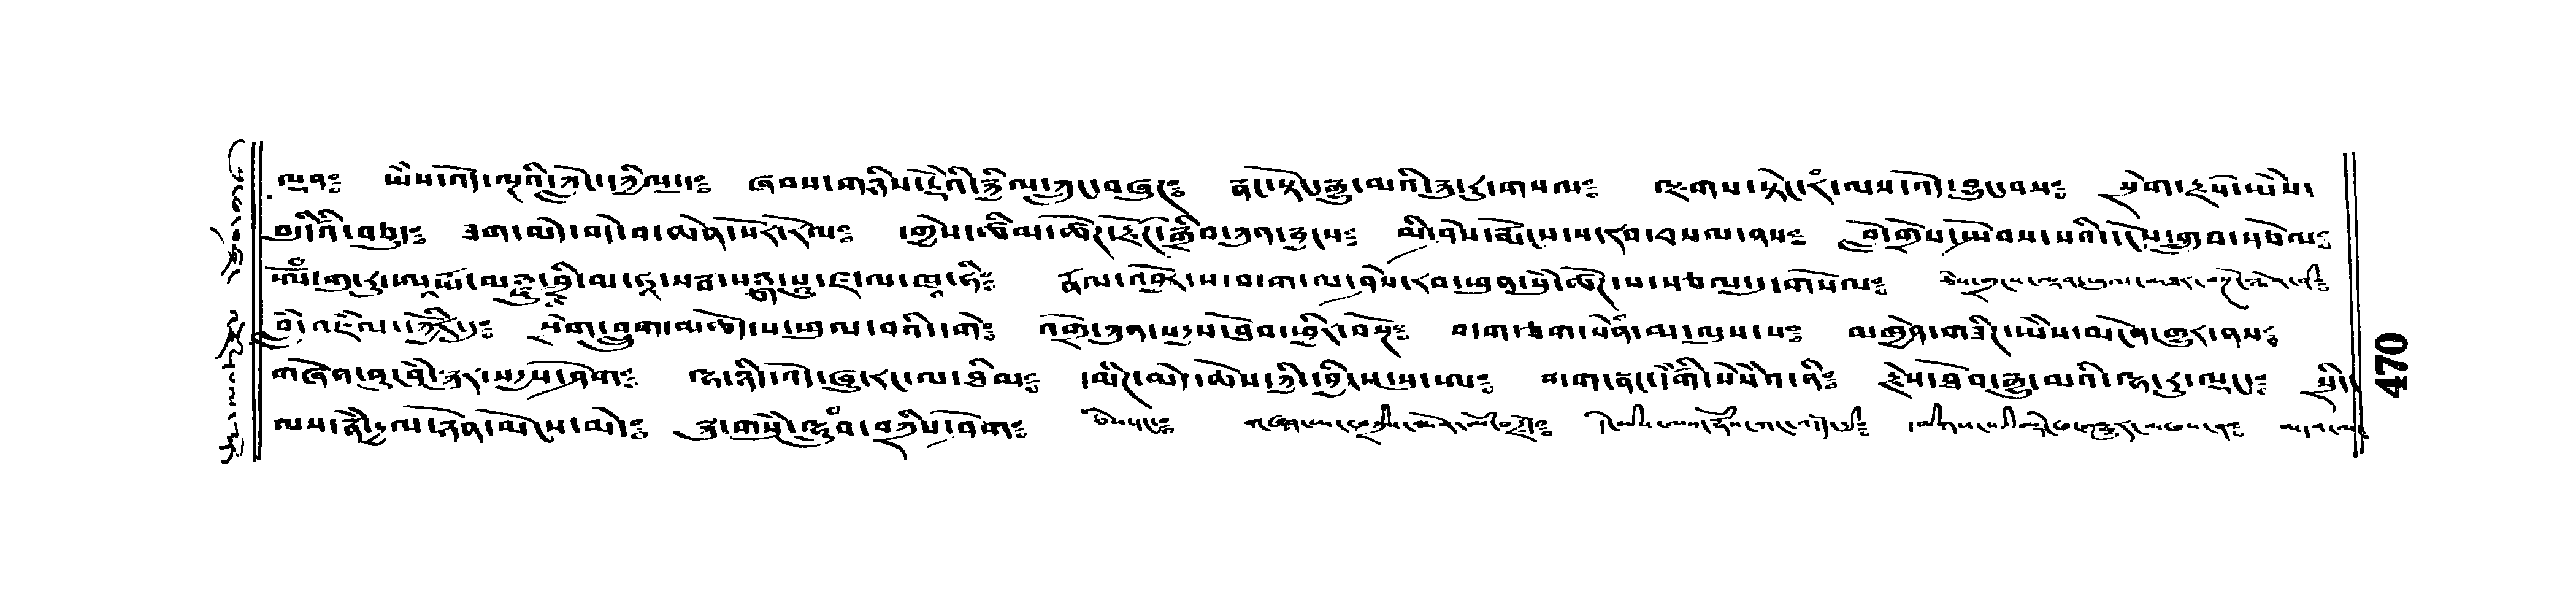ལྡན༔ ཡེ་ཤེས་འོད་ལྔའི་ཀློང་དཀྱིལ་དུ༔ ཞབས་གཉིས་རྡོ་རྗེའི་སྐྱིལ་ཀྲུང་བཞུགས༔ སྣང་སྟོང་སྒྱུ་མའི་སྐུ་རུ་གསལ༔ ལྗགས་སྟེང་རཾ་ལས་འོད་བྱུང་བས༔ སྲེག་རྫས་ཡེ་ཤེས་
བདུད་རྩིའི་བཅུད༔ ཟག་མེད་བདེ་བ་ཆེན་པོར་རོལ༔ དགྱེས་ཚིམ་ཚོགས་རྫོགས་སྒྲིབ་ཀུན་སྦྱངས༔ མི་ཤེས་རྨོངས་པ་རབ་བསལ་ནས༔ བློ་གྲོས་སྤོབས་པའི་དངོས་གྲུབ་སྩོལ༔ 
ཨོཾ་གུ་རུ་ཨརྻ་མཉྫུ་ཤྲཱི་མ་ཧཱ་སརྦ་པཉྩ་པཱུ་ཛ་ལ་ཁཱ་ཧིཿ རྣལ་འབྱོར་པ་བདག་ལ་ཤེས་རབ་ཕུན་སུམ་ཚོགས་པ་བསྩལ་དུ་གསོལ༔ ཅེས་གྲངས་ལྡན་ཕུལ་མཐར་བསྔོ་སྨོན་ནི༔ 
བླ་མ་འཇམ་དཔལ་དཀྱིལ་འཁོར་དུ༔ སྲེག་བླུགས་མཆོད་པ་ཕུལ་བའི་དགེ༔ འགྲོ་ཀུན་སངས་རྒྱས་ཐོབ་ཕྱིར་བསྔོ༔བདག་ཅག་སེམས་ཅན་མ་ལུས་པ༔ མཁྱེན་གཟིགས་ཡེ་ཤེས་མངོན་གྱུར་ནས༔ 
གཞོན་ནུ་བུམ་སྐུར་སངས་རྒྱས་ཤོག༔ ལྷ་ཉིད་འོད་ཞུ་རང་ལ་ཐིམ༔ དམིགས་མེད་ཆོས་ཀྱི་དབྱིངས་སུ་ཨ༔ བདག་སྣང་དམ་ཚིག་སེམས་དཔའ་ནི༔ རྗེས་ཐོབ་སྒྱུ་མའི་ལྷ་རུ་ལྡང༔ སྲིད་
ལས་རྣམ་རྒྱལ་ཉོན་མོངས་མེད༔ སྐུ་གསུམ་ལྷུན་གྲུབ་བཀྲ་ཤིས་ཤོག༔ ཅེས་དང༔ གཞན་ཡང་བཀྲ་ཤིས་སྨོན་ལམ་བརྗོད༔ དེ་ཡིས་ལས་རྣམས་གང་འདོད་ཀྱི༔ དམིགས་པའི་ལྡེ་ཁ་བསྒྱུར་མཁས་ན༔ མདའ་ལ་